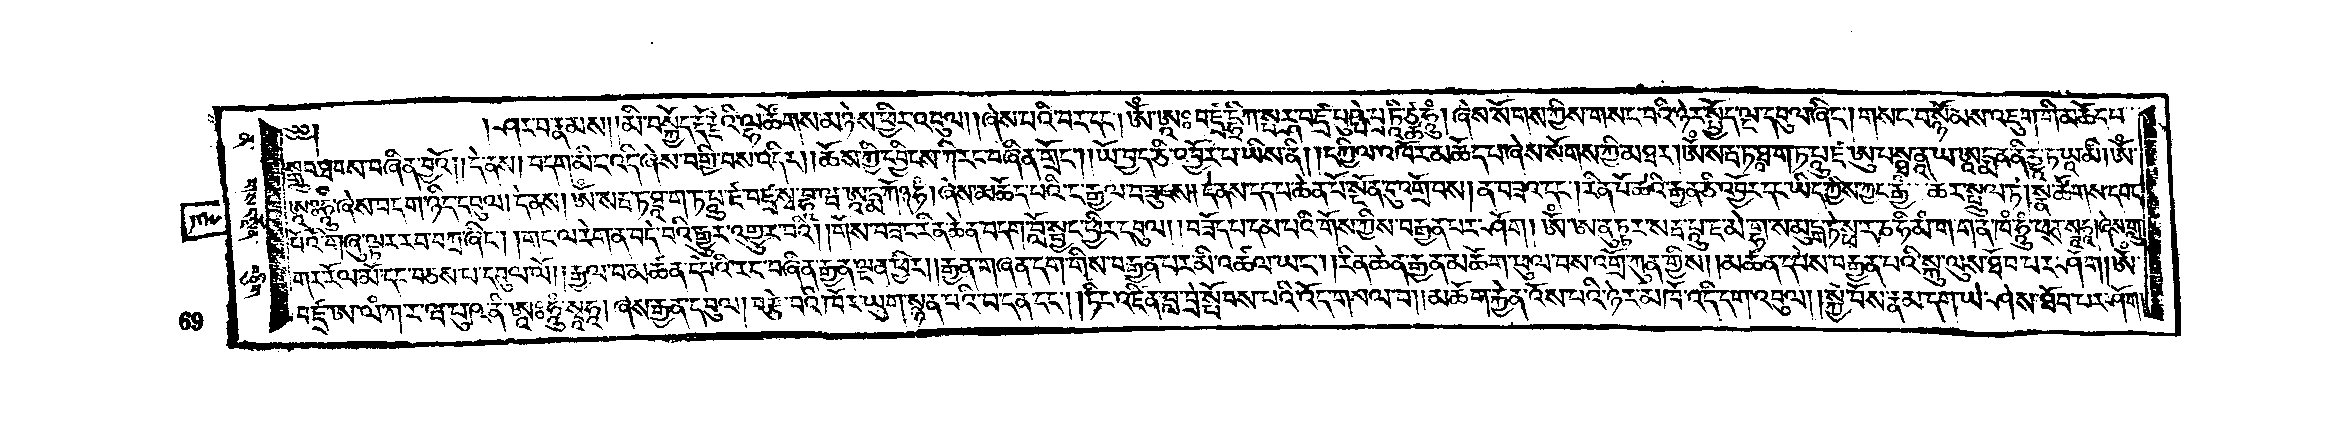༄༅། །ཤར་བ་རྣམས། །མི་བསྐྱོད་རྡོ་རྗེའི་ལྷ་ཚོགས་མཉེས་ཕྱིར་འབུལ། །ཞེས་པའི་བར་དང་། ཨོཾ་ཨཱཿ བཛྲ་དྷྲི་ཀ་སྤརྴ་བཛྲ་པུཥྤེ་པྲ་ཏཱི་ཙྪ་ཧཱུཾ། ཞེས་སོགས་ཀྱིས་གསང་བའི་ཉེར་སྤྱོད་ལྔ་དབུལ་ཞིང་། གསང་བ་སྙོམས་འཇུག་གི་མཆོད་པ་
སྒྲུབ་ཐབས་བཞིན་བྱའོ། །དེ་ནས། བདག་མིང་འདི་ཞེས་བགྱི་བས་འདིར། །ཆོས་ཀྱི་དབྱིངས་ཀྱི་རང་བཞིན་གྲོང་། །ཡོ་བྱད་ཅི་འབྱོར་པ་ཡིས་ནི། །དཀྱིལ་འཁོར་མཆོད་པ་ཞེས་སོགས་ཀྱི་མཐར། ཨོཾ་སརྦ་ཏ་ཐཱ་ག་ཏ་པཱུ་ཛ་ཨུ་པསྠ་ནཱ་ཡ་ཨཱདམ་ན་ནི་རྱཱ་ཏ་ཡཱ་མི། ཨོཾ་
ཨཱཿ ཧཱུཾ་ཞེས་བདག་ཉིད་དབུལ། དེ་ནས། ཨོཾ་སརྦ་ཏ་ཐཱ་ག་ཏ་པཱུ་ཛ་བཛྲ་སྭ་བྷཱ་ཝ་ཨའདྨ་ཀོཉྷཾ། ཞེས་མཆོད་པའི་ང་རྒྱལ་བཟུངས། དེ་ནས་དད་པ་ཆེན་པོ་སྔོན་དུ་འགྲོ་བས། ན་བཟའ་དང་། རིན་པོ་ཆེའི་རྒྱན་ཅི་འབྱོར་དང་ཡིད་ཀྱིས་ཀྱང་རྒྱ་ཆེར་སྤྲུལ་ཏེ། སྣ་ཚོགས་དབང་
པོའི་གཞུ་ལྟར་རབ་བཀྲ་ཞིང་། །གང་ལ་རེག་ན་བདེ་བའི་རྒྱུར་འགྱུར་བའི། །གོས་བཟང་རིན་ཆེན་བདག་བློ་སྦྱང་ཕྱིར་དབུལ། །བཟོད་པ་དམ་པའི་གོས་ཀྱིས་བརྒྱན་པར་ཤོག །ཨོཾ་ཨ་ནུ་ཏྟར་སརྦ་པཱུ་ཇ་མེ་གྷ་ས་མུངྒ་ཏེ་སྥ་ར་ཎ་ཧི་མཾ་ག་ག་ན་ཁཾ་ཧཱུཾ་ཕཊ་སྭཱ་ཧཱ། ཞེས་གླུ་
གར་རོལ་མོ་དང་བཅས་པ་དབུལ་ལོ། །རྒྱལ་བ་མཚན་དཔེའི་རང་བཞིན་རྒྱན་ལྡན་ཕྱིར། །རྒྱན་གཞན་དག་གིས་བརྒྱན་པར་མི་འཚལ་ཡང་། །རིན་ཆེན་རྒྱན་མཆོག་ཕུལ་བས་འགྲོ་ཀུན་གྱིས། །མཚན་དཔེས་བརྒྱན་པའི་སྐུ་ལུས་ཐོབ་པར་ཤོག །ཨོཾ་
བཛྲ་ཨ་ལཾ་ཀ་ར་ཝ་པུ་ཥ་ནི་ཨཱཿ ཧཱུཾ་སྭཱ་ཧཱ། ཞེས་རྒྱན་དབུལ། བརྩེ་བའི་ཁོར་ཡུག་སྙན་པའི་བ་དན་དང་། །ཏིང་འཛིན་བླ་བྲེ་སྤོབས་པའི་འོད་གསལ་བ། །མཆོག་རྐྱེན་འོས་པའི་ཉེར་མཁོ་འདི་དག་འབུལ། །སྐྱེ་བོས་རྣམ་དག་ཡེ་ཤེས་ཐོབ་པར་ཤོག །